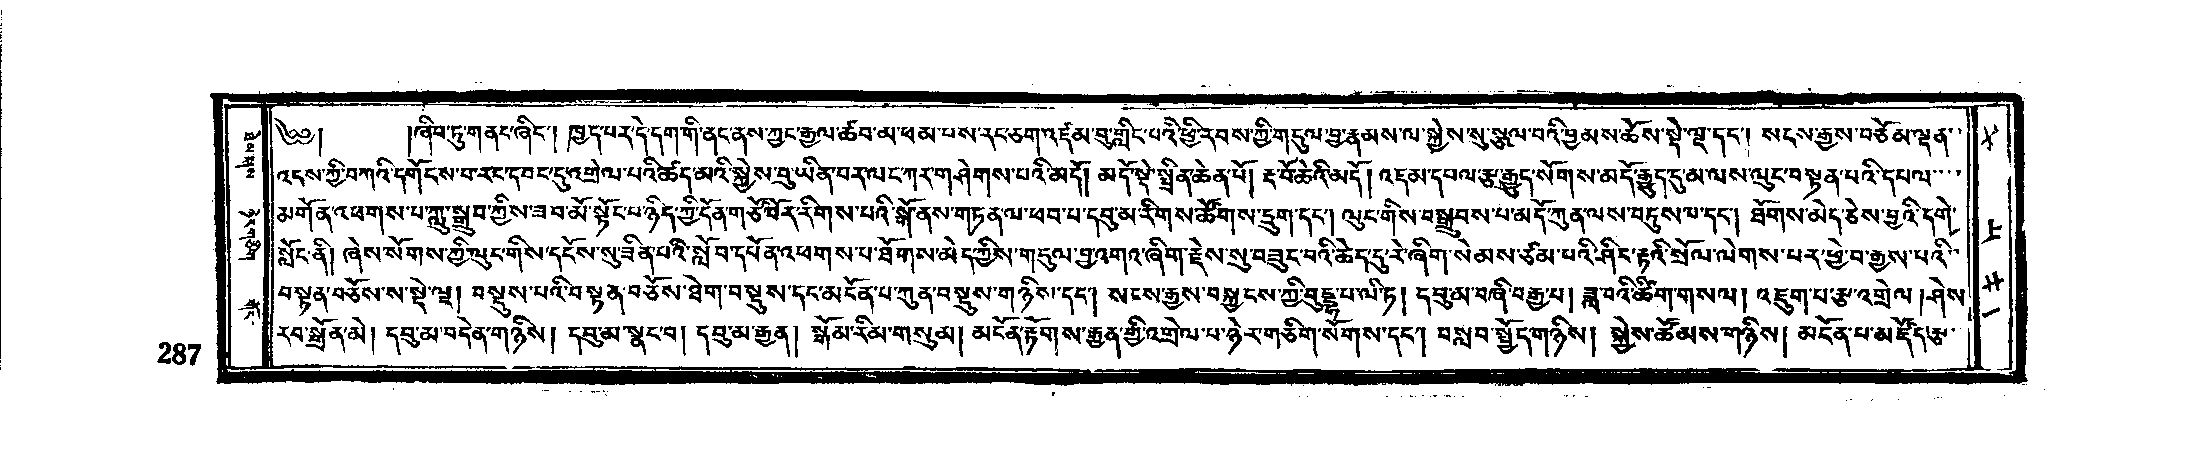༄༅། །ཞིབ་ཏུ་གནང་ཞིང་། ཁྱད་པར་དེ་དག་གི་ནང་ནས་ཀྱང་རྒྱལ་ཚབ་མ་ཕམ་པས་རང་ཅག་འཛམ་བུ་གླིང་པའི་ཕྱི་རབས་ཀྱི་གདུལ་བྱ་རྣམས་ལ་སྐྱེས་སུ་སྩལ་བའི་བྱམས་ཆོས་སྡེ་ལྔ་དང་། སངས་རྒྱས་བཅོམ་ལྡན་
འདས་ཀྱི་བཀའི་དགོངས་པ་རང་དབང་དུ་འགྲེལ་པའི་ཚད་མའི་སྐྱེས་བུ་ཡིན་པར་ལང་ཀར་གཤེགས་པའི་མདོ། མདོ་སྡེ་སྤྲིན་ཆེན་པོ། རྔ་བོ་ཆེའི་མདོ། འཇམ་དཔལ་རྩ་རྒྱུད་སོགས་མདོ་རྒྱུད་དུ་མ་ལས་ལུང་བསྟན་པའི་དཔལ་
མགོན་འཕགས་པ་ཀླུ་སྒྲུབ་ཀྱིས་ཟབ་མོ་སྟོང་པ་ཉིད་ཀྱི་དོན་གཙོ་བོར་རིགས་པའི་སྒོ་ནས་གཏན་ལ་ཕབ་པ་དབུ་མ་རིགས་ཚོགས་དྲུག་དང་། ལུང་གིས་བསྒྲུབས་པ་མདོ་ཀུན་ལས་བཏུས་པ་དང་། ཐོགས་མེད་ཅེས་བྱའི་དགེ་
སློང་ནི། ཞེས་སོགས་ཀྱི་ལུང་གིས་དངོས་སུ་ཟིན་པའི་སློབ་དཔོན་འཕགས་པ་ཐོགས་མེད་ཀྱིས་གདུལ་བྱ་འགའ་ཞིག་རྗེས་སུ་བཟུང་བའི་ཆེད་དུ་རེ་ཞིག་སེམས་ཙམ་པའི་ཤིང་རྟའི་སྲོལ་ལེགས་པར་ཕྱེ་བ་རྒྱས་པའི་
བསྟན་བཅོས་ས་སྡེ་ལྔ། བསྡུས་པའི་བསྟན་བཅོས་ཐེག་བསྡུས་དང་མངོན་པ་ཀུན་བསྡུས་གཉིས་དང་། སངས་རྒྱས་བསྐྱངས་ཀྱི་བུདྡྷ་པ་ལི་ཏ། དབུ་མ་བཞི་བརྒྱ་པ། ཟླ་བའི་ཚིག་གསལ། འཇུག་པ་རྩ་འགྲེལ་།ཤེས་
རབ་སྒྲོན་མེ། དབུ་མ་བདེན་གཉིས། དབུ་མ་སྣང་བ། དབུ་མ་རྒྱན། སྒོམ་རིམ་གསུམ། མངོན་རྟོགས་རྒྱན་གྱི་འགྲེལ་པ་ཉེར་གཅིག་སོགས་དང་། བསླབ་སྤྱོད་གཉིས། སྐྱེས་ཚོམས་གཉིས། མངོན་པ་མཛོད་རྩ་